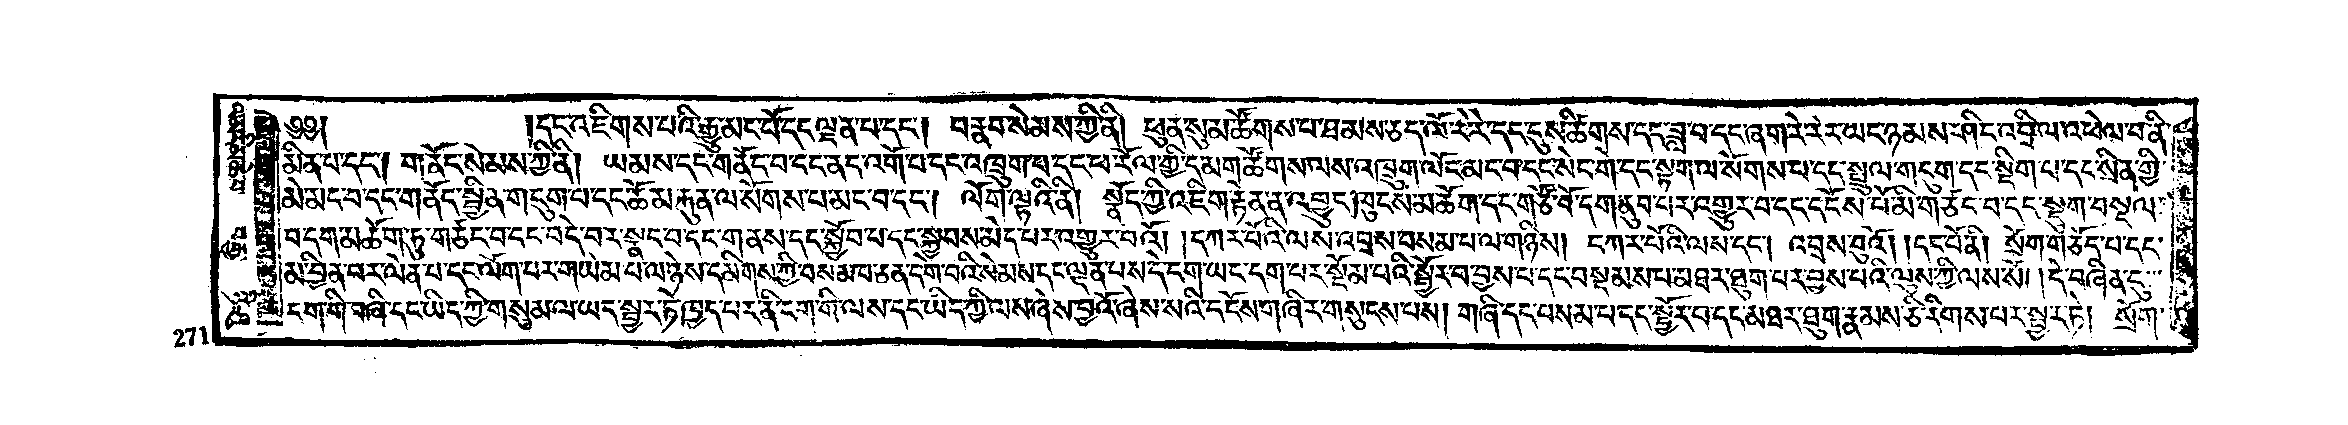༄༅། །དང་འཇིགས་པའི་རྒྱུ་མང་པོ་དང་ལྡན་པ་དང་། བརྣབ་སེམས་ཀྱི་ནི། ཕུན་སུམ་ཚོགས་པ་ཐམས་ཅད་ལོ་རེ་རེ་དང་དུས་ཚིགས་དང་ཟླ་བ་དང་ཞག་རེ་རེར་ཡང་ཉམས་ཤིང་འབྲི་ལ་འཕེལ་བ་ནི་
མིན་པ་དང་། གནོད་སེམས་ཀྱི་ནི། ཡམས་དང་གནོད་པ་དང་ནད་འགོ་བ་དང་འཁྲུག་པ་དང་ཕ་རོལ་གྱི་དམག་ཚོགས་ལས་འཁྲུག་ལོང་མང་བ་དང་སེང་གེ་དང་སྟག་ལ་སོགས་པ་དང་སྦྲུལ་གདུག་དང་སྡིག་པ་དང་སྲིན་གྱི་
མེ་མང་བ་དང་གནོད་སྦྱིན་གདུག་པ་དང་ཆོམ་རྐུན་ལ་སོགས་པ་མང་བ་དང་། ལོག་ལྟའི་ནི། སྣོད་ཀྱི་འཇིག་རྟེན་ན་འབྱུང་ཁུངས་མཆོག་དང་གཙོ་བོ་དག་ནུབ་པར་འགྱུར་བ་དང་དངོས་པོ་མི་གཙང་བ་དང་སྡུག་བསྔལ་
བ་དག་མཆོག་ཏུ་གཙང་བ་དང་བདེ་བར་སྣང་བ་དང་གནས་དང་སྐྱོབ་པ་དང་སྐྱབས་མེད་པར་འགྱུར་བའོ། །དཀར་པོའི་ལས་འབྲས་བསམ་པ་ལ་གཉིས། དཀར་པོའི་ལས་དང་། འབྲས་བུའོ། །དང་པོ་ནི། སྲོག་གཅོད་པ་དང་
མ་བྱིན་པར་ལེན་པ་དང་ལོག་པར་གཡེམ་པ་ལ་ཉེས་དམིགས་ཀྱི་བསམ་པ་ཅན་དགེ་བའི་སེམས་དང་ལྡན་པས་དེ་དག་ཡང་དག་པར་སྡོམ་པའི་སྦྱོར་བ་བྱས་པ་དང་བསྡམས་པ་མཐར་ཐུག་པར་བྱས་པའི་ལུས་ཀྱི་ལས་སོ། །དེ་བཞིན་དུ་
ངག་གི་བཞི་དང་ཡིད་ཀྱི་གསུམ་ལ་ཡང་སྦྱར་ཏེ་ཁྱད་པར་ནི་ངག་གི་ལས་དང་ཡིད་ཀྱི་ལས་ཞེས་བྱའོ་ཞེས་སའི་དངོས་གཞིར་གསུངས་པས། གཞི་དང་བསམ་པ་དང་སྦྱོར་བ་དང་མཐར་ཐུག་རྣམས་ཅི་རིགས་པར་སྦྱར་ཏེ། སྲོག་